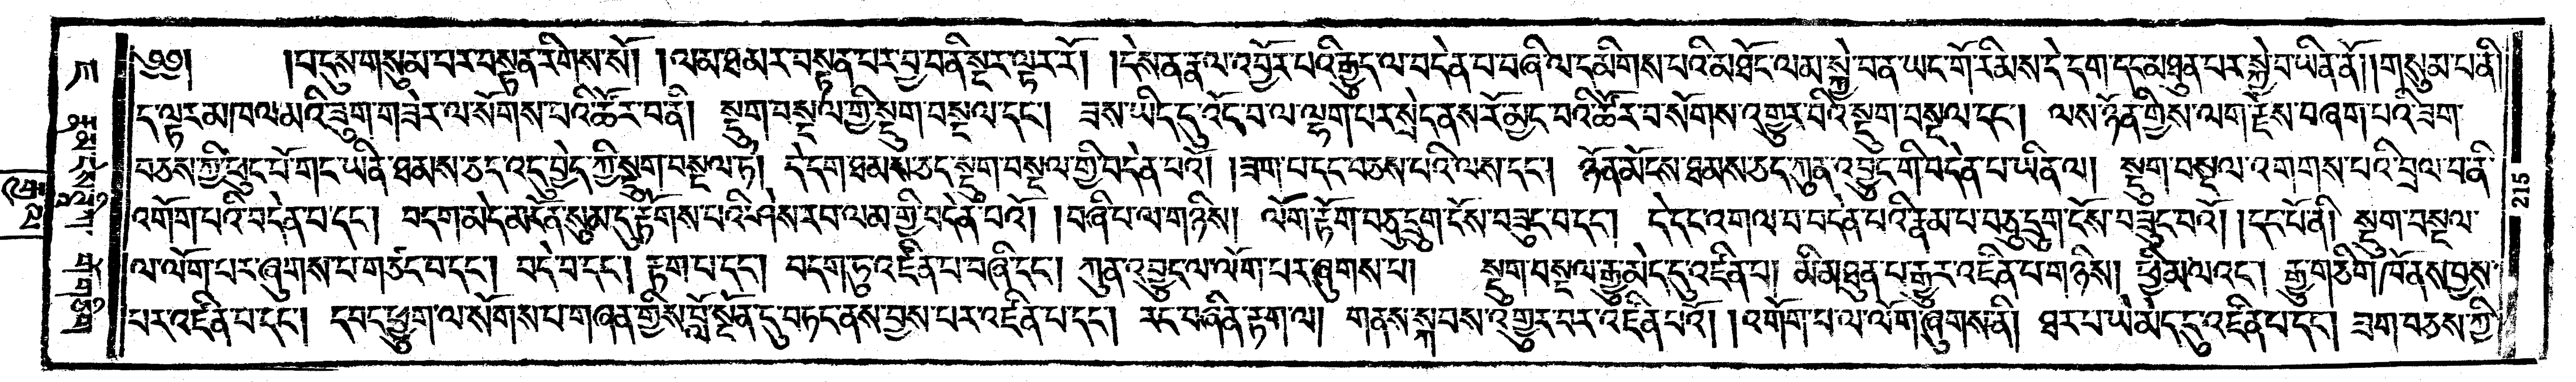༄༅། །པ་དུས་གསུམ་པར་བསྟན་རིགས་སོ། །ལམ་ཐ་མར་བསྟན་པར་བྱ་བ་ནི་སྔར་ལྟར་རོ། །དེས་ན་རྣལ་འབྱོར་པའི་རྒྱུད་ལ་བདེན་པ་བཞི་ལ་དམིགས་པའི་མཐོང་ལམ་སྐྱེ་བ་ན་ཡང་གོ་རིམས་དེ་དག་དང་མཐུན་པར་སྐྱེ་བ་ཡིན་ནོ། །གསུམ་པ་ནི།
ད་ལྟར་མཁལ་མའི་ཟུག་གཟེར་ལ་སོགས་པའི་ཚོར་བ་ནི། སྡུག་བསྔལ་གྱི་སྡུག་བསྔལ་དང་། ཟས་ཡིད་དུ་འོང་བ་ལ་ལྷག་པར་སྲེད་ནས་རོ་མྱང་བའི་ཚོར་བ་སོགས་འགྱུར་བའི་སྡུག་བསྔལ་དང་། ལས་ཉོན་གྱིས་ལག་རྗེས་བཞག་པའི་ཟག་
བཅས་ཀྱི་ཕུང་པོ་གང་ཡིན་ཐམས་ཅད་འདུ་བྱེད་ཀྱི་སྡུག་བསྔལ་ཏེ། དེ་དག་ཐམས་ཅད་སྡུག་བསྔལ་གྱི་བདེན་པའོ། །ཟག་པ་དང་བཅས་པའི་ལས་དང་། ཉོན་མོངས་ཐམས་ཅད་ཀུན་འབྱུང་གི་བདེན་པ་ཡིན་ལ། སྡུག་བསྔལ་འགགས་པའི་བྲལ་བ་ནི་
འགོག་པའི་བདེན་པ་དང་། བདག་མེད་མངོན་སུམ་དུ་རྟོགས་པའི་ཤེས་རབ་ལམ་གྱི་བདེན་པའོ། །བཞི་པ་ལ་གཉིས། ལོག་རྟོག་བཅུ་དྲུག་ངོས་བཟུང་བ་དང་། དེ་དང་འགལ་བ་བདེན་པའི་རྣམ་པ་བཅུ་དྲུག་ངོས་བཟུང་བའོ། །དང་པོ་ནི། སྡུག་བསྔལ་
ལ་ལོག་པར་ཞུགས་པ་གཙང་བ་དང་། བདེ་བ་དང་། རྟག་པ་དང་། བདག་ཏུ་འཛིན་པ་བཞི་དང་། ཀུན་འབྱུང་ལ་ལོག་པར་ཞུགས་པ། སྡུག་བསྔལ་རྒྱུ་མེད་དུ་འཛིན་པ། མི་མཐུན་པ་རྒྱུར་འཛིན་པ་གཉིས། ཕྱི་མ་ལའང་། རྒྱུ་གཅིག་ཁོ་ནས་བྱས་
པར་འཛིན་པ་དང་། དབང་ཕྱུག་ལ་སོགས་པ་གཞན་གྱིས་བློ་སྔོན་དུ་བཏང་ནས་བྱས་པར་འཛིན་པ་དང་། རང་བཞིན་རྟག་ལ། གནས་སྐབས་འགྱུར་བར་འཛིན་པའོ། །འགོག་པ་ལ་ལོག་ཞུགས་ནི། ཐར་པ་ཡེ་མེད་དུ་འཛིན་པ་དང་། ཟག་བཅས་ཀྱི་